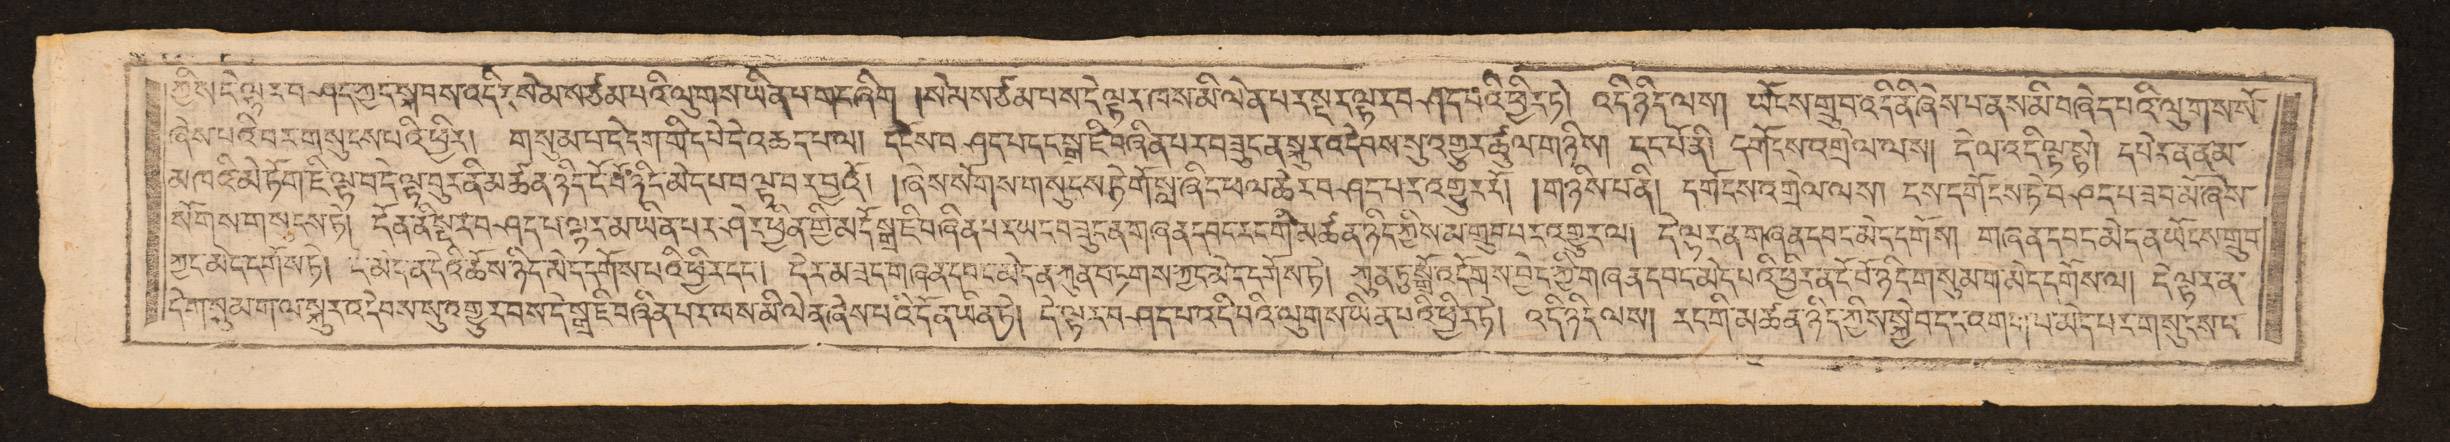ཀྱིས་དེ་ལྟར་བཤད་ཀྱང་སྐབས་འདིར་སེམས་ཙམ་པའི་ལུགས་ཡིན་པ་གང་ཞིག །སེམས་ཙམ་པས་དེ་ལྟར་ཁས་མི་ལེན་པར་སྔར་ལྟར་བཤད་པའི་ཕྱིར་ཏེ། འདི་ཉིད་ལས། ཡོངས་གྲུབ་འདི་ནི་ཞེས་པ་ནས་མི་བཞེད་པའི་ལུགས་སོ་
ཞེས་པའི་བར་གསུངས་པའི་ཕྱིར། གསུམ་པ་དེ་དག་གི་དཔེ་དེ་འཆད་པ་ལ། དངོས་བཤད་པ་དང་སྒྲ་ཇི་བཞིན་པར་བཟུང་ན་སྐུར་འདེབས་སུ་འགྱུར་ཚུལ་གཉིས། དང་པོ་ནི། དགོངས་འགྲེལ་ལས། དེ་ལ་འདི་ལྟ་སྟེ། དཔེར་ན་ནམ་
མཁའི་མེ་ཏོག་ཇི་ལྟ་བ་དེ་ལྟ་བུར་ནི་མཚན་ཉིད་ངོ་བོ་ཉིད་མེད་པ་བལྟ་བར་བྱའོ། །ཞེས་སོགས་གསུངས་ཏེ་གོ་སླ་ཞིང་ཕལ་ཆེར་བཤད་པར་འགྱུར་རོ། །གཉིས་པ་ནི། དགོངས་འགྲེལ་ལས། ངས་དགོངས་ཏེ་བཤད་པ་ཟབ་མོ་ཞེས་
སོགས་གསུངས་ཏེ། དོན་ནི་སྔར་བཤད་པ་ལྟར་མ་ཡིན་པར་ཤེར་ཕྱིན་གྱི་མདོ་སྒྲ་ཇི་བཞིན་པར་ཡང་བཟུང་ན་གཞན་དབང་རང་གི་མཚན་ཉིད་ཀྱིས་མ་གྲུབ་པར་འགྱུར་ལ། དེ་ལྟར་ན་གཞན་དབང་མེད་དགོས། གཞན་དབང་མེད་ན་ཡོངས་གྲུབ་
ཀྱང་མེད་དགོས་ཏེ། དེ་མེད་ན་དེའི་ཆོས་ཉིད་མེད་དགོས་པའི་ཕྱིར་དང་། དེར་མ་ཟད་གཞན་དབང་མེད་ན་ཀུན་བདགས་ཀྱང་མེད་དགོས་ཏེ། ཀུན་ཏུ་སྒྲོ་འདོགས་བྱེད་ཀྱི་གཞན་དབང་མེད་པའི་ཕྱིར་ན་ངོ་བོ་ཉིད་གསུམ་ག་མེད་དགོས་ལ། དེ་ལྟར་ན་
དེ་གསུམ་ག་ལ་སྐུར་འདེབས་སུ་འགྱུར་བས་དེ་སྒྲ་ཇི་བཞིན་པར་ཁས་མི་ལེན་ཞེས་པའི་དོན་ཡིན་ཏེ། དེ་ལྟར་བཤད་པ་འདི་པའི་ལུགས་ཡིན་པའི་ཕྱིར་ཏེ། འདི་ཉིད་ལས། རང་གི་མཚན་ཉིད་ཀྱིས་སྐྱེ་བ་དང་འགག་པ་མེད་པར་གསུངས་པ་